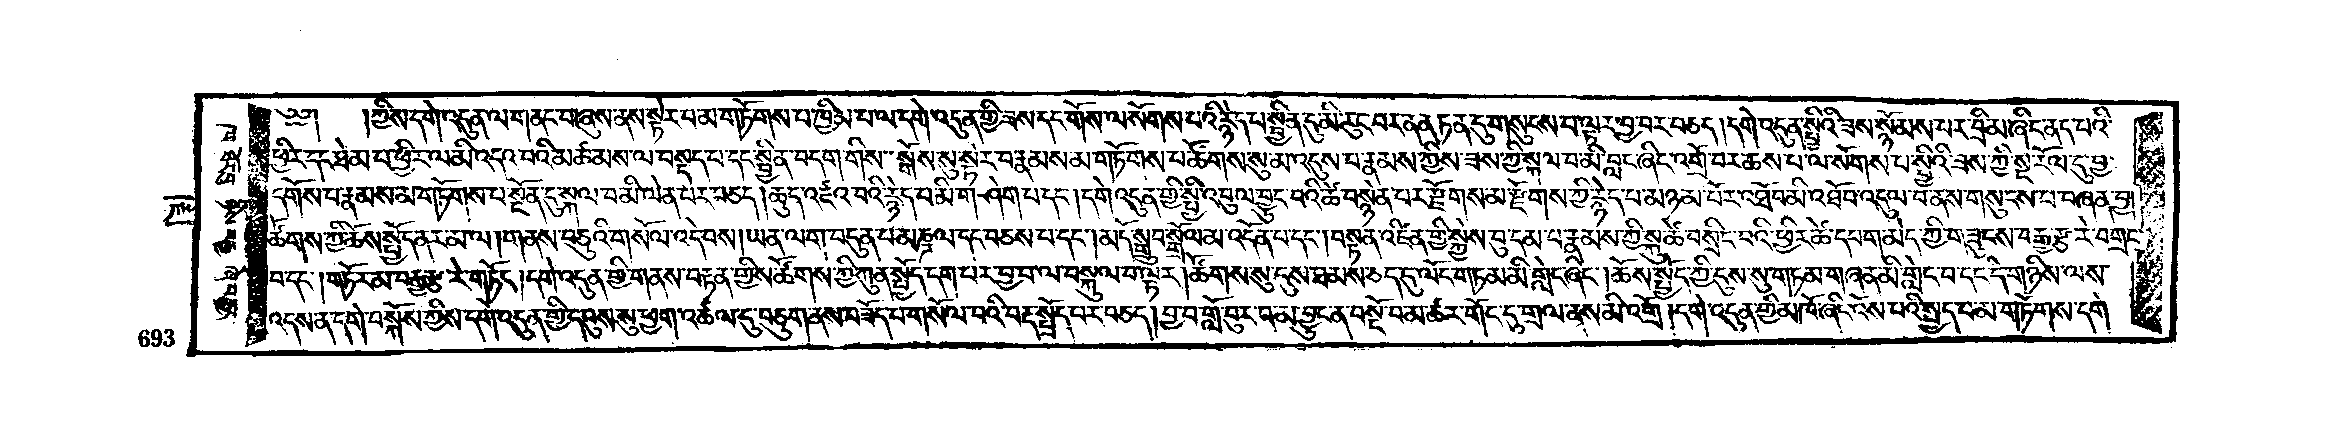༄༅། །ཀྱིས་དགེ་འདུན་ལ་གནང་བ་ཞུས་ནས་སྟེར་བ་མ་གཏོགས་པ་ཁྱིམ་པ་ལ་དགེ་འདུན་གྱི་ཟས་དང་གོས་ལ་སོགས་པའི་རྙེད་པ་སྦྱིན་དུ་མི་རུང་བར་ནན་ཏན་དུ་གསུངས་པ་ལྟར་བྱ་བར་བཅད། དགེ་འདུན་སྤྱིའི་ཟས་སྙོམས་པར་བྲིམ་ཞིང་ནད་པའི་
ཕྱིར་དང་ཐེམ་པ་ཕྱིར་ལ་མི་འདའ་བའི་མཚམས་ལ་བསྡད་པ་དང་སྦྱིན་བདག་གིས་སྒོས་སུ་སྟེར་བ་རྣམས་མ་གཏོགས་པ་ཚོགས་སུ་མ་འདུས་པ་རྣམས་ཀྱིས་ཟས་ཀྱི་སྐལ་བ་མི་བླང་ཞིང་འགྲོ་བར་ཆས་པ་ལ་སོགས་པ་སྤྱིའི་ཟས་ཀྱི་སྔ་རོལ་དུ་བྱ་
དགོས་པ་རྣམས་མ་གཏོགས་པ་སྔོན་དུ་སྐལ་བ་མི་ལེན་པར་བཅད། ཆུད་འཛའ་བའི་རྙེད་པ་མི་གཤེགས་པ་དང་། དགེ་འདུན་གྱི་སྤྱི་འབུལ་བྱུང་བའི་ཚེ་བསྙེན་པར་རྫོགས་མ་རྫོགས་ཀྱི་རྙེད་པ་མཉམ་པོར་འཐོབ་མི་འཐོབ་འདུལ་བ་ནས་གསུངས་པ་བཞིན་བྱ།
ཚོགས་ཀྱི་ཆོས་སྤྱོད་ནར་མ་ལ། གནས་བཅུའི་གསོལ་འདེབས། ཡན་ལག་བདུན་པ་མཎྜལ་དང་བཅས་པ་དང་། མདོ་སྒྲུབ་སྒྲོལ་མ་འདོན་པ་དང་། བསྟན་འཛིན་གྱི་སྐྱེས་བུ་དམ་པ་རྣམས་ཀྱི་སྐུ་ཚེ་བསྲིང་བའི་ཕྱིར་ཚེ་དཔག་མེད་ཀྱི་གཟུངས་བརྒྱ་རྩ་རེ་བགྲང་
བ་དང་། གཏོར་མ་བརྒྱ་རྩ་རེ་གཏོང་།དགེ་འདུན་གྱི་གནས་བརྟན་གྱིས་ཚོགས་ཀྱི་ཀུན་སྤྱོད་དག་པར་བྱ་བ་ལ་བསྐུལ་བ་ལྟར། ཚོགས་སུ་དུས་ཐམས་ཅད་དུ་ལོང་གཏམ་མི་གླེང་ཞིང་། ཆོས་སྤྱོད་ཀྱི་དུས་སུ་གཏམ་གཞན་མི་གླེང་བ་དང་དེ་གཉིས་ལས་
འདས་ན་དགེ་བསྐོས་ཀྱིས་དགེ་འདུན་གྱི་དབུས་སུ་ཕྱག་འཚལ་དུ་བཅུག་ནས་བཟོད་པ་གསོལ་བའི་བརྡ་སྤྲོད་པར་བཅད། བྱ་བ་གློ་བུར་བ་མ་བྱུང་ན་བསྔོ་བ་མ་ཚར་གོང་དུ་གྲལ་ནས་མི་འགྲོ་།དགེ་འདུན་གྱི་མཁོ་ཞིང་འོས་པའི་སྤྱད་པ་མ་གཏོགས་དགེ་